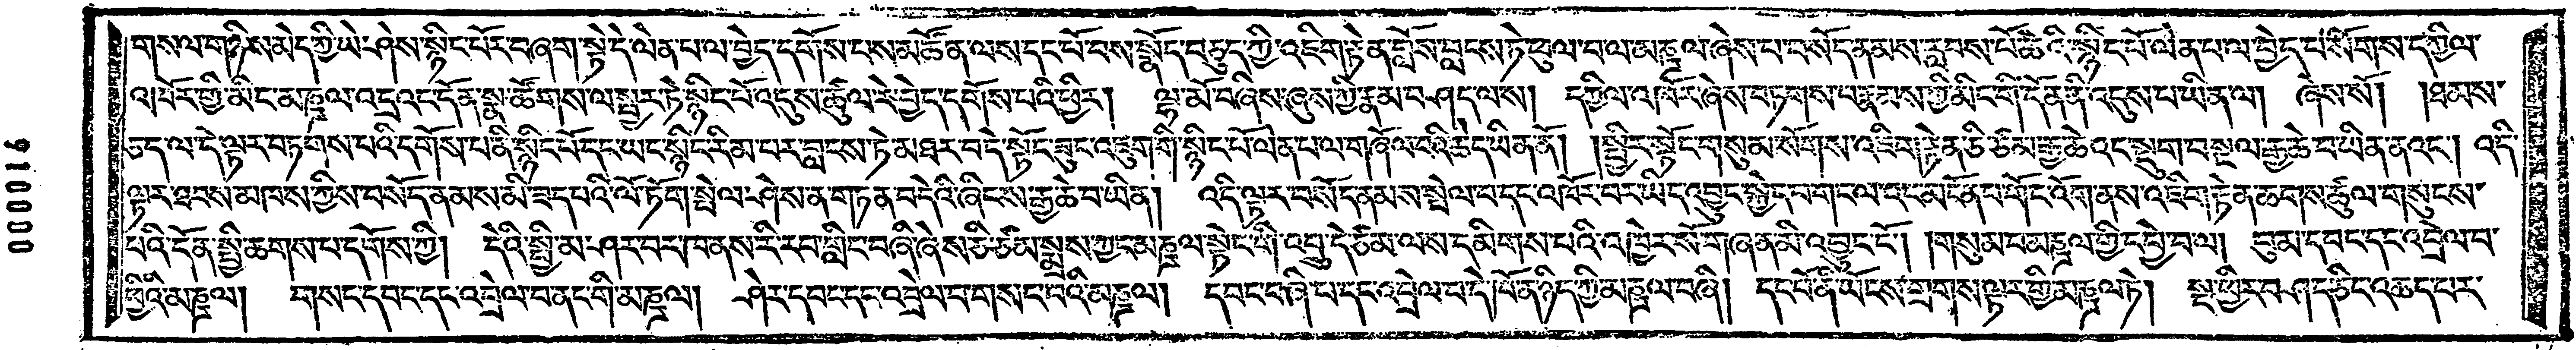གསལ་གཉིས་མེད་ཀྱི་ཡེ་ཤེས་སྙིང་པོར་བཞག་སྟེ་དེ་ལེན་པ་ལ་བྱེད་དགོས་པས་མཚོན་ལས་དང་པོ་པས་སྣོད་བཅུད་ཀྱི་འཇིག་རྟེན་བློས་བླངས་ཏེ་ཕུལ་བ་ལ་མཎྜལ་ཞེས་པ་བསོད་ནམས་རླབས་པོ་ཆེའི་སྙིང་པོ་ལེན་པ་ལ་བྱེད་པ་སོགས་དཀྱིལ་
འཁོར་གྱི་མིང་མཎྜལ་འདྲའང་དོན་སྣ་ཚོགས་ལ་སྦྱར་ཏེ་སྙིང་པོ་འདུས་ཚུལ་རེ་བྱེད་དགོས་པའི་ཕྱིར། ལྷ་མོ་བཞིས་ཞུས་ཀྱི་རྣམ་བཤད་ལས། དཀྱིལ་འཁོར་ཞེས་བཏགས་པ་རྣམས་ཀྱི་མིང་གི་དོན་ནི་འདུས་པ་ཡིན་ལ། །ཞེས་སོ། །ཐམས་
ཅད་ལ་དེ་ལྟར་བཏགས་པའི་དགོས་པ་ནི་སྙིང་པོ་དང་ཡང་སྙིང་རིམ་པར་བླངས་ཏེ་མཐར་བདེ་སྟོང་ཟུང་འཇུག་གི་སྙིང་པོ་ལེན་པ་ལ་གཞོལ་བའི་ཆེད་ཡིན་ནོ། །སྤྱིར་སྟོང་གསུམ་སོགས་འཇིག་རྟེན་ཅི་ཙམ་རྒྱ་ཆེའང་སྡུག་བསྔལ་རྒྱ་ཆེ་བ་ཡིན་ནའང་། འདི་
ལྟར་ཐབས་མཁས་ཀྱིས་བསོད་ནམས་མི་ཟད་པའི་ལོ་ཏོག་སྤེལ་ཤེས་ན་གཏན་བདེའི་ཞིངས་རྒྱ་ཆེ་བ་ཡིན། འདི་ལྟར་བསོད་ནམས་སྤེལ་བ་དང་འཁོར་བར་ཡིད་འབྱུང་སྐྱེད་བ་གང་ལའང་མངོན་པ་གོང་འོག་ནས་འཇིག་རྟེན་ཆགས་ཚུལ་གསུངས་
པའི་དོན་སྤྱི་ཆགས་པ་དགོས་ཀྱི། དེའི་སྤྱི་མ་ཤར་བར་ཁ་ནས་རི་རབ་གླིང་བཞི་ཞེས་ཅི་ཙམ་སྨྲས་ཀྱང་མཎྜལ་སྟེང་གི་འབྲུ་དེ་ཙམ་ལས་དམིགས་པའི་འཁྱེར་སོ་གཞན་མི་འབྱུང་ངོ། །གསུམ་བ་མཎྜལ་གྱི་དབྱེ་བ་ལ། བུམ་དབང་དང་འབྲེལ་བ་
ཕྱིའི་མཎྜལ། གསང་དབང་དང་འབྲེལ་བ་ནང་གི་མཎྜལ། ཤེར་དབང་དང་འབྲེལ་བ་གསང་བའི་མཎྜལ། དབང་བཞི་པ་དང་འབྲེལ་བ་དེ་ཁོ་ན་ཉིད་ཀྱི་མཎྜལ་བཞི། དང་པོ་ནི་ཡོངས་གྲགས་ལྟར་གྱི་མཎྜལ་ཏེ། སྔ་ཕྱིར་བཤད་ཅིང་འཆད་པར་